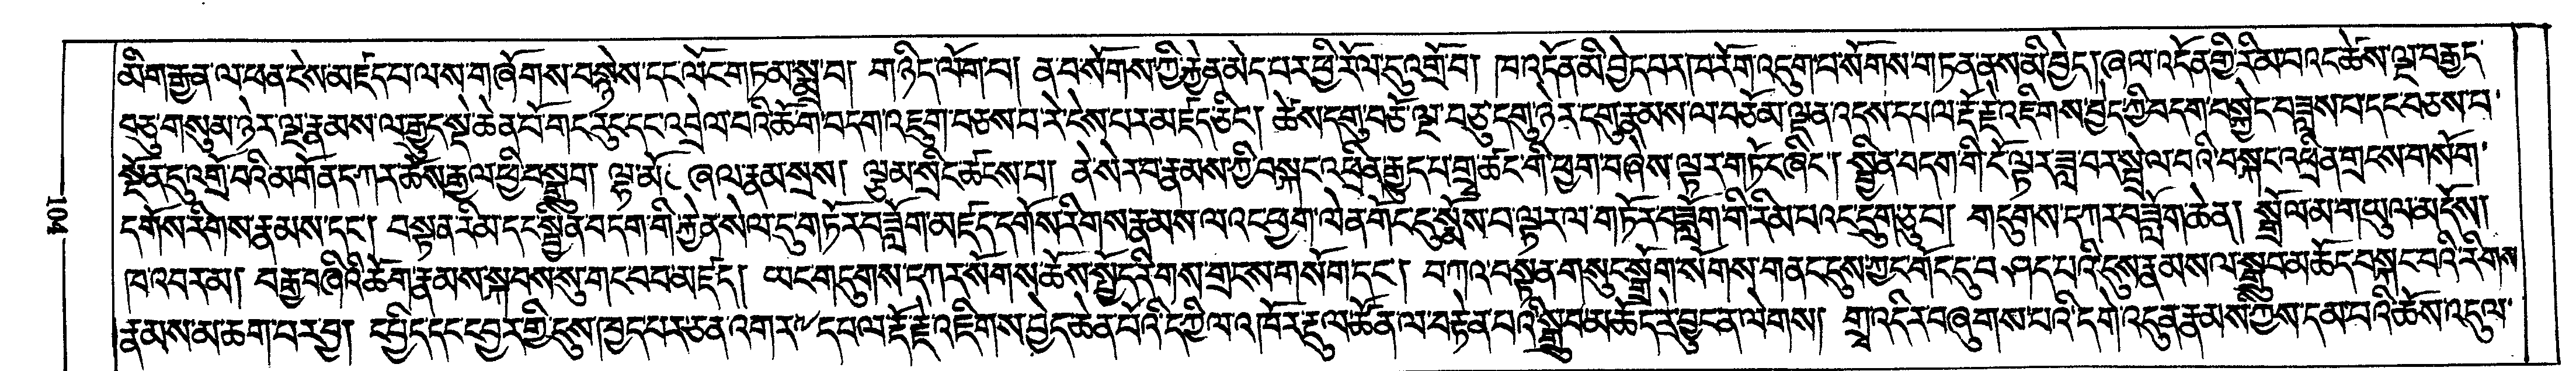མིག་རྒྱན་ལ་ཕན་ངེས་མཛད་པ་ལས་གཞོགས་བསྙེས་དང་ལོང་གཏམ་སྨྲ་བ། གཉིད་ལོག་པ། ན་བ་སོགས་ཀྱི་རྐྱེན་མེད་པར་ཕྱི་རོལ་དུ་འགྲོ་བ། ཁ་འདོན་མི་བྱེད་པར་ཁ་རོག་འདུག་པ་སོགས་གཏན་ནས་མི་བྱེད། ཞལ་འདོན་གྱི་རིམ་པའང་ཚེས་ལྔ་བརྒྱད་
བཅུ་གསུམ་ཉེར་ལྔ་རྣམས་ལ་རྒྱུད་སྡེ་ཆེན་པོ་གང་རུང་དང་འབྲེལ་བའི་ཆོ་ག་བདག་འཇུག་བཅས་པ་རེ་ངེས་པར་མཛད་ཅིང་། ཚེས་དགུ་བཅོ་ལྔ་བཅུ་དགུ་ཉེར་དགུ་རྣམས་ལ་བཅོམ་ལྡན་འདས་དཔལ་རྡོ་རྗེ་འཇིགས་བྱེད་ཀྱི་བདག་བསྐྱེད་བཟླས་པ་དང་བཅས་པ་
སྔོན་དུ་འགྲོ་བའི་མགོན་དཀར་ཆོས་རྒྱལ་ཕྱི་བ་སྒྲུབ། ལྷ་མོ༑ ཞལ་རྣམ་སྲས། ལྕམ་སྲིང་ཚངས་པ། ནེ་སེར་བ་རྣམས་ཀྱི་བསྐང་འཕྲིན་རྒྱུད་པ་གྲྭ་ཚང་གི་ཕྱག་བཞེས་ལྟར་གཏོང་ཞིང་། སྦྱིན་བདག་གི་ངོ་ལྟར་ཟླ་བར་སྦྲེལ་བའི་བསྐང་འཕྲིན་གྲངས་གསོག་
དགོས་རིགས་རྣམས་དང་། བསྟན་རིམ་དང་སྦྱིན་བདག་གི་རྐྱེན་སེལ་དུ་གཏོར་བཟློག་མཛད་དགོས་རིགས་རྣམས་ལའང་ཕྱག་ལེན་གོང་དུ་སྨོས་པ་ལྟར་ལ་གཏོར་བཟློག་གི་རིམ་པའང་དྲུག་ཅུ་པ། གདུགས་དཀར་བཟློག་ཆེན། སྒྲོལ་མ་གཡུལ་མདོས།
ཁ་འབར་མ། བརྒྱ་བཞིའི་ཆོ་ག་རྣམས་སྐབས་སུ་གང་བབ་མཛད། ཡང་གདུགས་དཀར་སོགས་ཆོས་སྤྱོད་རིགས་གྲངས་གསོག་དང་། བཀའ་བསྟན་གསུང་སྒྲོག་སོགས་གནང་དུས་ཀྱང་གོང་དུ་བཤད་པའི་དུས་རྣམས་ལ་སྒྲུབ་མཆོད་བསྐང་བའི་རིགས་
རྣམས་མ་ཆག་པར་བྱ། དཔྱིད་དང་དབྱར་གྱི་དུས་ཁྱད་པར་ཅན་འགར་དཔལ་རྡོ་རྗེ་འཇིགས་བྱེད་ཆེན་པོའི་དཀྱིལ་འཁོར་རྡུལ་ཚོན་ལ་བརྟེན་པའི་སྒྲུབ་མཆོད་རེ་བྱུང་ན་ལེགས། གྲྭ་འདིར་བཞུགས་པའི་དགེ་འདུན་རྣམས་ཀྱིས་དམ་པའི་ཆོས་འདུས་